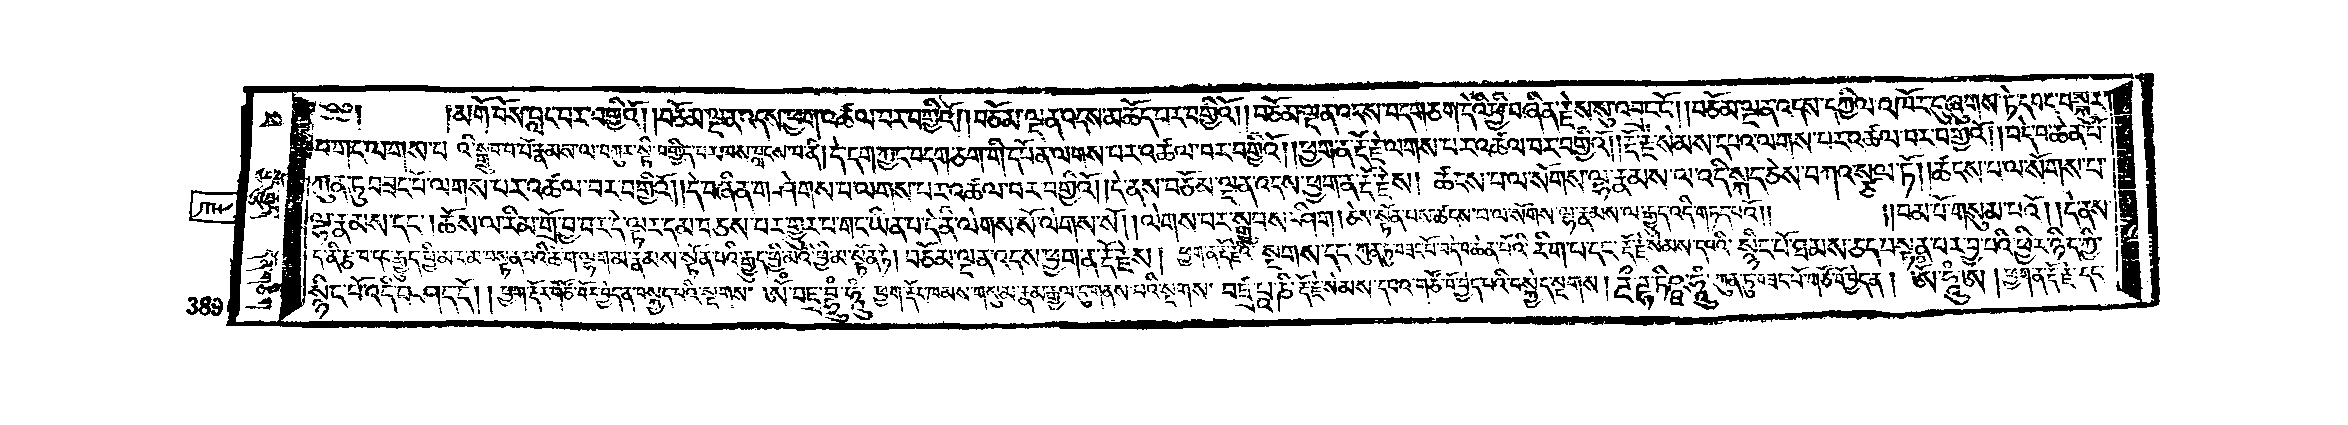༄༅། །མགོ་བོས་བླང་བར་བགྱིའོ། །བཅོམ་ལྡན་འདས་ཕྱག་འཚལ་བར་བགྱིའོ། །བཅོམ་ལྡན་འདས་མཆོད་པར་བགྱིའོ། །བཅོམ་ལྡན་འདས་བདག་ཅག་དེའི་ཕྱི་བཞིན་རྗེས་སུ་འབྲང་ངོ། །བཅོམ་ལྡན་འདས་དཀྱིལ་འཁོར་དུ་ཞུགས་ཏེ་དབང་བསྐུར་
བ་གང་ལགས་པའི་སྒྲུབ་པ་པོ་རྣམས་ལ་བཀུར་སྟི་བགྱིད་པར་ཁས་བླངས་པ་ནི།  དེ་དག་ཀྱང་བདག་ཅག་གི་དཔོན་ལགས་པར་འཚལ་བར་བགྱིའོ། །ཕྱག་ན་རྡོ་རྗེ་ལགས་པར་འཚལ་བར་བགྱིའོ། །རྡོ་རྗེ་སེམས་དཔའ་ལགས་པར་འཚལ་བར་བགྱིའོ། །བདེ་བ་ཆེན་པོ་
ཀུན་ཏུ་བཟང་པོ་ལགས་པར་འཚལ་བར་བགྱིའོ། །དེ་བཞིན་གཤེགས་པ་ལགས་པར་འཚལ་བར་བགྱིའོ། །དེ་ནས་བཅོམ་ལྡན་འདས་ཕྱག་ན་རྡོ་རྗེས། ཚངས་པ་ལ་སོགས་ལྷ་རྣམས་ལ་འདི་སྐད་ཅེས་བཀའ་སྩལ་ཏོ། །ཚངས་པ་ལ་སོགས་པ་
ལྷ་རྣམས་དང་། ཆོས་ལ་རིམ་གྲོ་བྱ་བར་དེ་ལྟར་དམ་བཅས་པར་གྱུར་པ་གང་ཡིན་པ་དེ་ནི་ལེགས་སོ་ལེགས་སོ། །ལེགས་པར་སྒྲུབས་ཤིག །ཅེས་སྟོན་པས་ཚངས་པ་ལ་སོགས་ལྷ་རྣམས་ལ་རྒྱུད་འདི་གཏད་པའོ།། །།བམ་པོ་གསུམ་པའོ། །དེ་ནས་
ད་ནི་རྩ་བ་དང་རྒྱུད་ཕྱི་མར་མ་བསྟན་པའི་ཆོ་ག་ལྷག་མ་རྣམས་སྟོན་པའི་རྒྱུད་ཕྱི་མའི་ཕྱི་མ་སྟོན་ཏེ།  བཅོམ་ལྡན་འདས་ཕྱག་ན་རྡོ་རྗེས། ཕྱག་ན་རྡོ་རྗེའི་སྔགས་དང་ཀུན་ཏུ་བཟང་པོ་བདེ་བ་ཆེན་པོའི་རིག་པ་དང་རྡོ་རྗེ་སེམས་དཔའི་སྙིང་པོ་ཐམས་ཅད་བསྟན་པར་བྱ་བའི་ཕྱིར་ཉིད་ཀྱི་
སྙིང་པོ་འདི་བཤད་དོ། ། ཕྱག་རྡོར་གཙོ་བོར་བྱེད་ན་བསྐྱེད་པའི་སྔགས་ཨོཾ་བཛྲ་བྷྲུཾ་ཧཱུཾ་ཕྱག་རྡོར་ཁམས་གསུམ་རྣམ་རྒྱལ་དུ་གནས་པའི་སྔགས་བཛྲ་པཱ་ཎི་རྡོ་རྗེ་སེམས་དཔའ་གཙོ་བོ་བྱེད་པའི་བསྐྱེད་སྔགས།  ཌྲྀ་ཌྷ་ཏིཥཊཿཨ་ཧཱུཾ་ཀུན་ཏུ་བཟང་པོ་གཙོ་བོ་བྱེད་ན།  ཨོཾ་ཧཱུཾ་ཨ། ཕྱག་ན་རྡོ་རྗེ་དང་